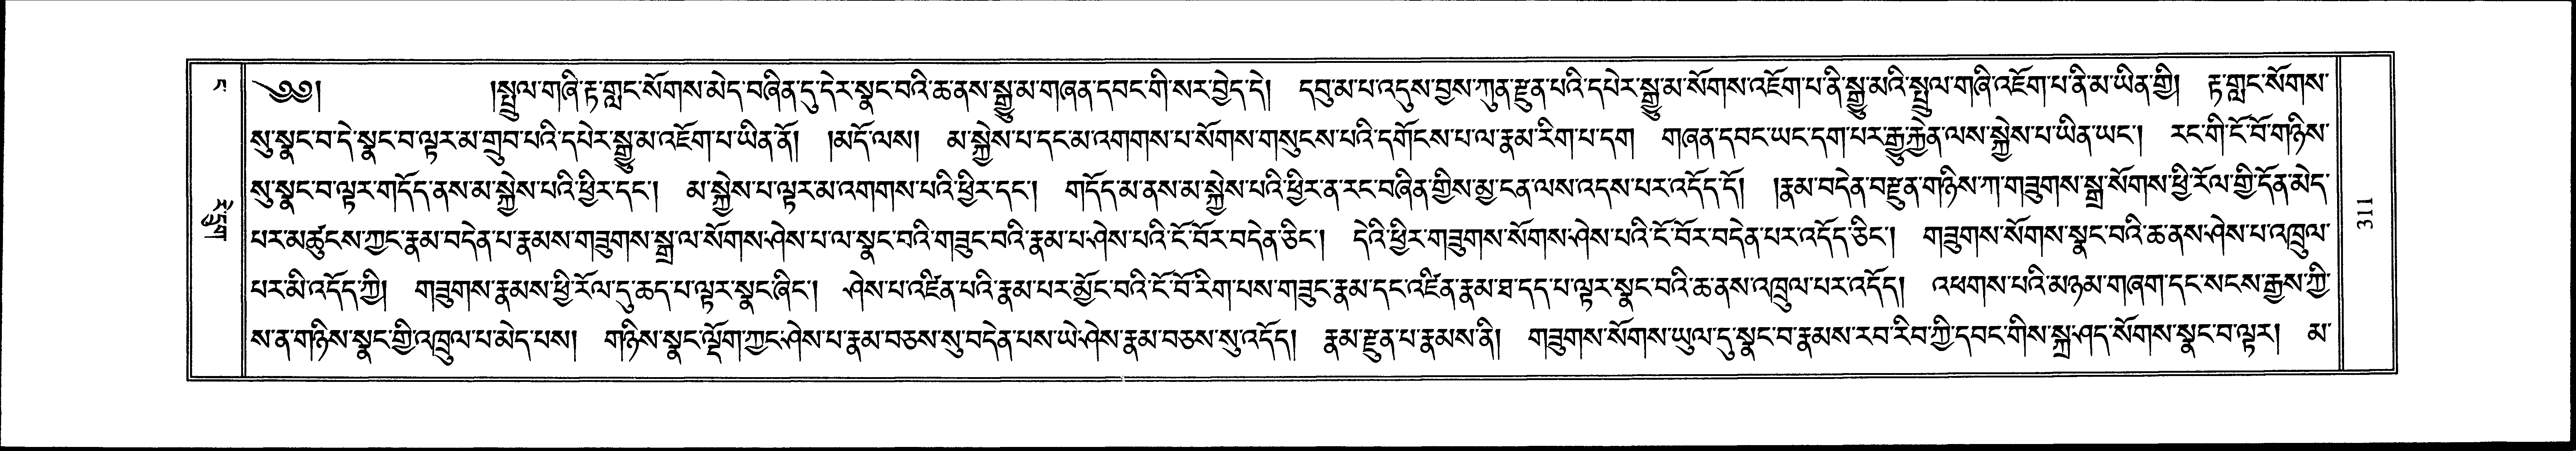༄༅། །སྤྲུལ་གཞི་རྟ་གླང་སོགས་མེད་བཞིན་དུ་དེར་སྣང་བའི་ཆ་ནས་སྒྱུ་མ་གཞན་དབང་གི་སར་བྱེད་དེ། དབུ་མ་པ་འདུས་བྱས་ཀུན་རྫུན་པའི་དཔེར་སྒྱུ་མ་སོགས་འཇོག་པ་ནི་སྒྱུ་མའི་སྤྲུལ་གཞི་འཇོག་པ་ནི་མ་ཡིན་གྱི། རྟ་གླང་སོགས་
སུ་སྣང་བ་དེ་སྣང་བ་ལྟར་མ་གྲུབ་པའི་དཔེར་སྒྱུ་མ་འཇོག་པ་ཡིན་ནོ། །མདོ་ལས། མ་སྐྱེས་པ་དང་མ་འགགས་པ་སོགས་གསུངས་པའི་དགོངས་པ་ལ་རྣམ་རིག་པ་དག་གཞན་དབང་ཡང་དག་པར་རྒྱུ་རྐྱེན་ལས་སྐྱེས་པ་ཡིན་ཡང་། རང་གི་ངོ་བོ་གཉིས་
སུ་སྣང་བ་ལྟར་གདོད་ནས་མ་སྐྱེས་པའི་ཕྱིར་དང་། མ་སྐྱེས་པ་ལྟར་མ་འགགས་པའི་ཕྱིར་དང་། གདོད་མ་ནས་མ་སྐྱེས་པའི་ཕྱིར་ན་རང་བཞིན་གྱིས་མྱ་ངན་ལས་འདས་པར་འདོད་དོ། །རྣམ་བདེན་བརྫུན་གཉིས་ཀ་གཟུགས་སྒྲ་སོགས་ཕྱི་རོལ་གྱི་དོན་མེད་
པར་མཚུངས་ཀྱང་རྣམ་བདེན་པ་རྣམས་གཟུགས་སྒྲ་ལ་སོགས་ཤེས་པ་ལ་སྣང་བའི་གཟུང་བའི་རྣམ་པ་ཤེས་པའི་ངོ་བོར་བདེན་ཅིང་། དེའི་ཕྱིར་གཟུགས་སོགས་ཤེས་པའི་ངོ་བོར་བདེན་པར་འདོད་ཅིང་། གཟུགས་སོགས་སྣང་བའི་ཆ་ནས་ཤེས་པ་འཁྲུལ་
པར་མི་འདོད་ཀྱི། གཟུགས་རྣམས་ཕྱི་རོལ་དུ་ཆད་པ་ལྟར་སྣང་ཞིང་། ཤེས་པ་འཛིན་པའི་རྣམ་པར་མྱོང་བའི་ངོ་བོ་རིག་པས་གཟུང་རྣམ་དང་འཛིན་རྣམ་ཐ་དད་པ་ལྟར་སྣང་བའི་ཆ་ནས་འཁྲུལ་པར་འདོད། འཕགས་པའི་མཉམ་གཞག་དང་སངས་རྒྱས་ཀྱི་
ས་ན་གཉིས་སྣང་གྱི་འཁྲུལ་པ་མེད་པས། གཉིས་སྣང་ལྡོག་ཀྱང་ཤེས་པ་རྣམ་བཅས་སུ་བདེན་པས་ཡེ་ཤེས་རྣམ་བཅས་སུ་འདོད། རྣམ་རྫུན་པ་རྣམས་ནི། གཟུགས་སོགས་ཡུལ་དུ་སྣང་བ་རྣམས་རབ་རིབ་ཀྱི་དབང་གིས་སྐྲ་ཤད་སོགས་སྣང་བ་ལྟར། མ་